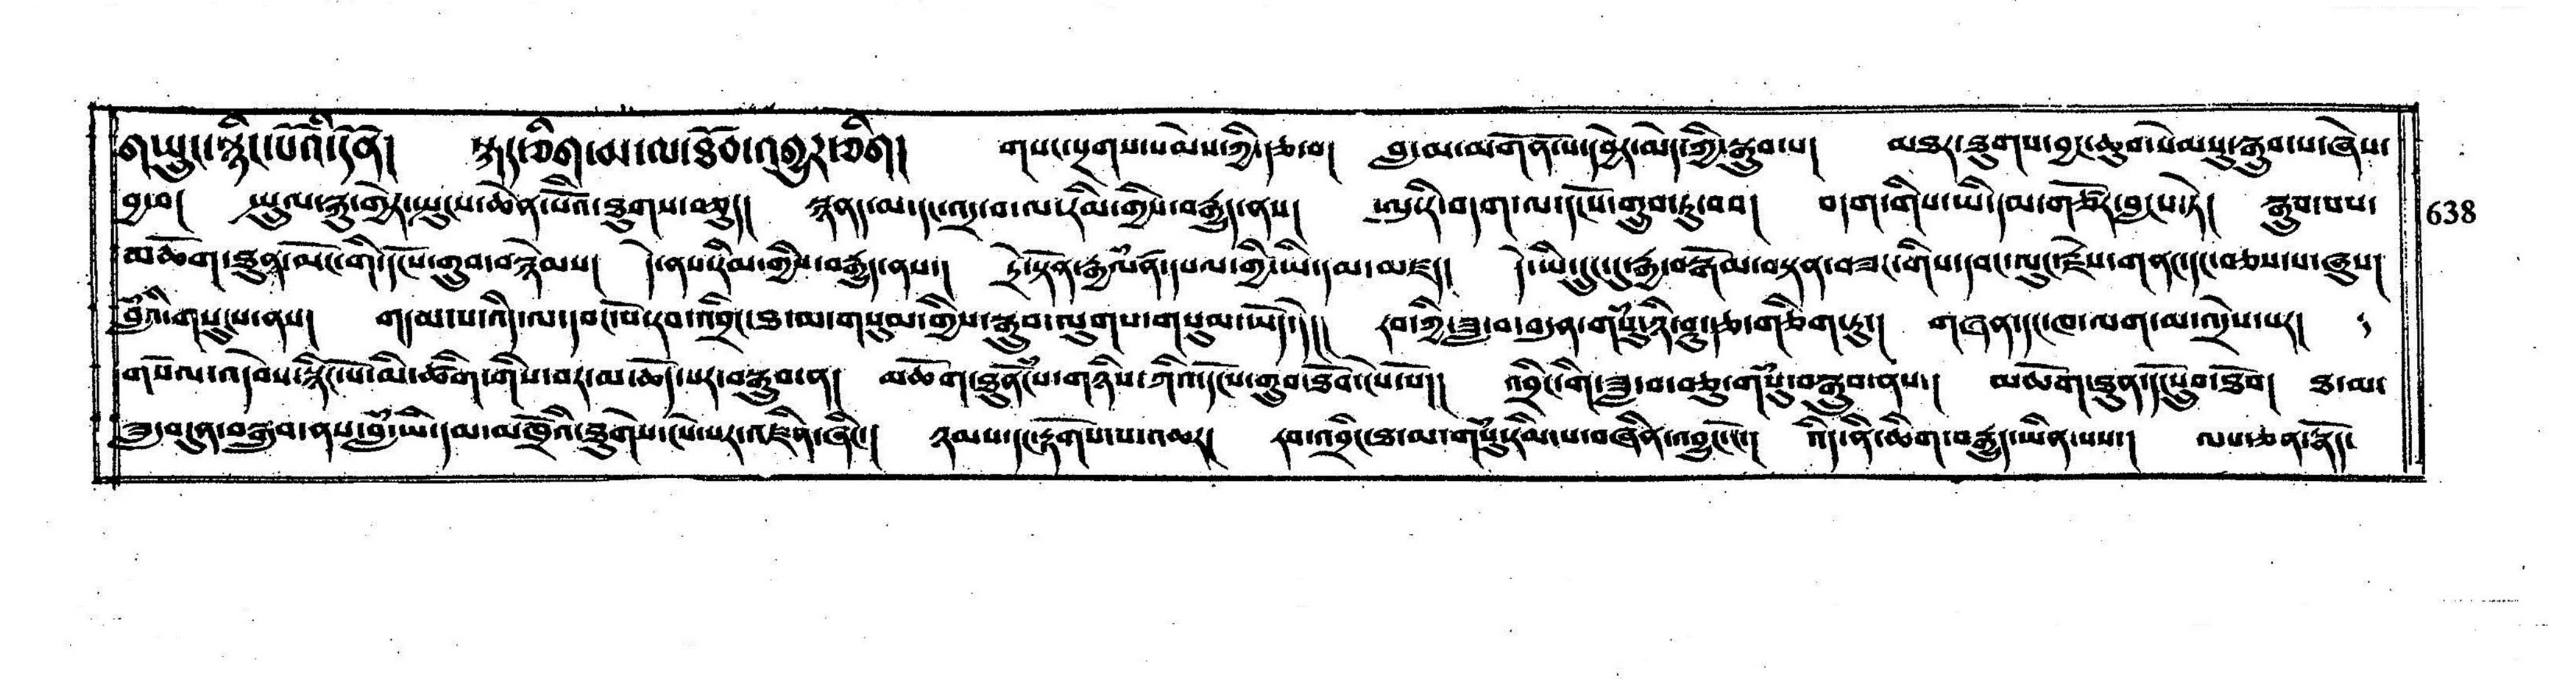གཡུང་དྲུང་སྙིང་པོའི་དོན། སྐད་ཅིག་མ་ལ་ཐོབ་འགྱུར་ཅིག གསང་སྔགས་སེམས་ཀྱི་རྩ་བ། བླ་མ་མགོན་པོ་དབྱེར་མེད་ཀྱི་སྒྲུབ་པ། མཐར་ཐུགས་བྱང་ཆུབ་སེམས་སུ་སྒྲུབ་པ་ཞེས་
བྱ་བ། སྤྲུལ་སྐུ་གྱེར་སྤུངས་ཆེན་པོའི་ཐུགས་བཅུད། སྙན་རྒྱུད་མ་དང་འདྲ་བ་ལ་རིམ་གྱིས་བརྒྱུད་ནས། ཨུ་རི་བདག་ལ་དངོས་གྲུབ་ཏུ་བབ། བདག་གིས་ཡི་དམ་གཙོར་བླངས་ཏེ། སྒྲུབ་པས་
མཆོག་ཐུན་མོང་གི་དངོས་གྲུབ་བསྙེམས། དེ་ནས་རིམ་གྱིས་བརྒྱུད་ནས། ཏྲེ་སྟོན་རྒྱལ་མཚན་དཔལ་གྱིས་ཡི་དམ་མཛད། དེ་ཡི་དྲུང་དུ་རྒྱ་བསྒོམ་བསྟན་བཟང་གིས་དབང་ལུང་རྗེས་གནང་དང་བཅས་པ་ཞུས། 
བླ་མའི་གསུངས་ནས། གདམ་པ་འདི་ལ་དབང་པོ་རབ་འབྲིང་ཐ་མ་གསུམ་གྱིས་སྒྲུབ་ལུགས་གསུམ་ཡོད་དེ།། རབ་ཀྱི་ཟླ་བ་བདུན་གསུམ་ཉི་ཤུ་རྩ་གཅིག་ཏུ། གཞན་དང་ཁ་ལག་མ་འདྲེས་པར། 
གསོལ་འདེབས་སྙིང་པོ་མི་ཚིག་གིས་བར་མ་ཆོད་པར་བསྒྲུབ་ན། མཆོག་ཐུན་མོངས་གཉིས་ཀའི་དངོས་གྲུབ་ཐོབ་ངེས་སོ།། འབྲིང་གི་ཟླ་བ་བཅུ་གསུམ་བསྒྲུབ་ནས། མཆོག་ཐུན་དངོས་གྲུབ་ཐོབ། ཐ་མ་
ཟླ་བདུན་བསྒྲུབ་ནས་བླ་མ་ཡི་དམ་མཁའ་འགྲོའི་ཐུགས་རྗེས་ངེས་པར་འཛིན་ཞིང་། ཉམས་དང་རྟོགས་པ་འཆར། རབ་འབྲིང་ཐ་མ་གསུམ་རིམ་པ་བཞིན་འབྱུང་ངོ་། འདི་ནི་ཆིག་བརྒྱུད་ཡིན་པས། ལས་ཅན་སྣོད་